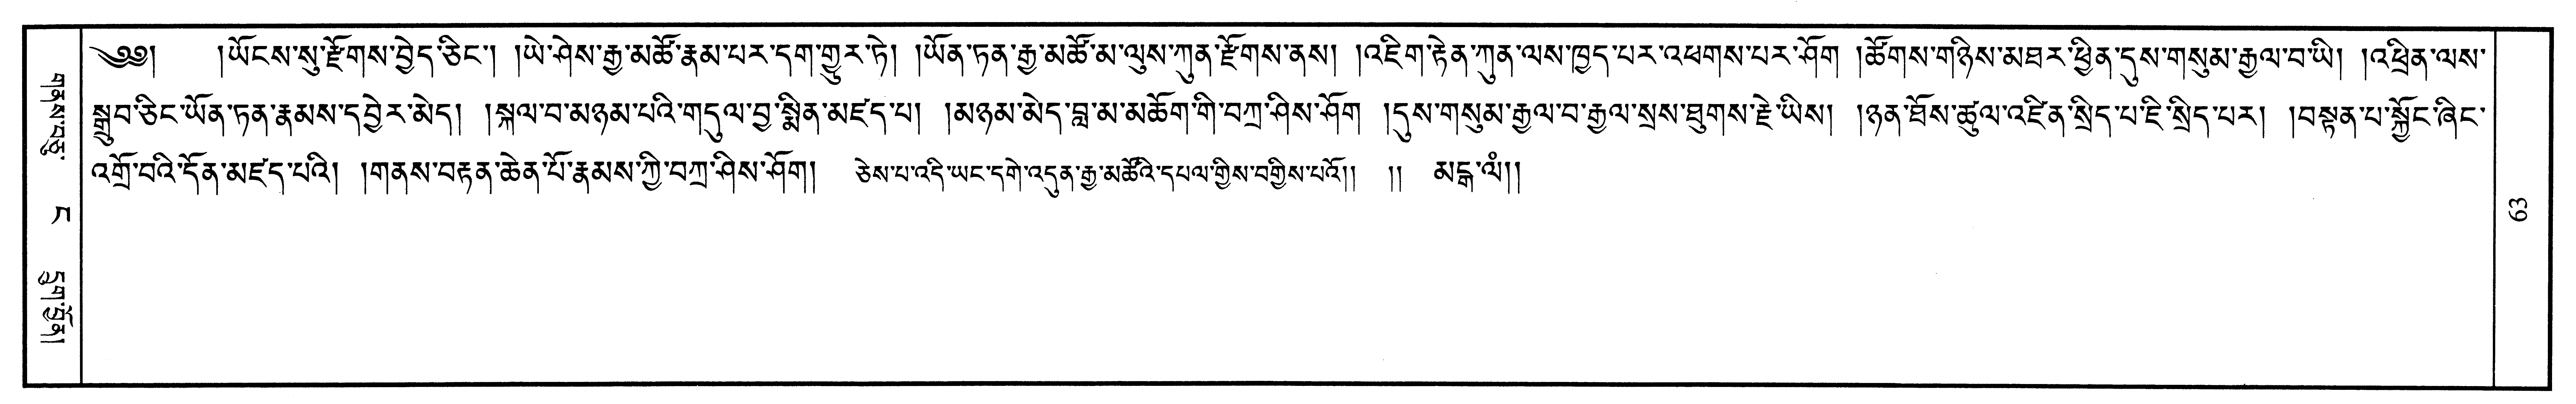༄༅། །ཡོངས་སུ་རྫོགས་བྱེད་ཅིང་། །ཡེ་ཤེས་རྒྱ་མཚོ་རྣམ་པར་དག་གྱུར་ཏེ། །ཡོན་ཏན་རྒྱ་མཚོ་མ་ལུས་ཀུན་རྫོགས་ནས། །འཇིག་རྟེན་ཀུན་ལས་ཁྱད་པར་འཕགས་པར་ཤོག །ཚོགས་གཉིས་མཐར་ཕྱིན་དུས་གསུམ་རྒྱལ་བ་ཡི། །འཕྲིན་ལས་
སྒྲུབ་ཅིང་ཡོན་ཏན་རྣམས་དབྱེར་མེད། །སྐལ་བ་མཉམ་པའི་གདུལ་བྱ་སྨིན་མཛད་པ། །མཉམ་མེད་བླ་མ་མཆོག་གི་བཀྲ་ཤིས་ཤོག །དུས་གསུམ་རྒྱལ་བ་རྒྱལ་སྲས་ཐུགས་རྗེ་ཡིས། །ཉན་ཐོས་ཚུལ་འཛིན་སྲིད་པ་ཇི་སྲིད་པར། །བསྟན་པ་སྐྱོང་ཞིང་
འགྲོ་བའི་དོན་མཛད་པའི། །གནས་བརྟན་ཆེན་པོ་རྣམས་ཀྱི་བཀྲ་ཤིས་ཤོག། ཅེས་པ་འདི་ཡང་དགེ་འདུན་རྒྱ་མཚོའི་དཔལ་གྱིས་བགྱིས་པའོ།། །།མངྒ་ལཾ།།